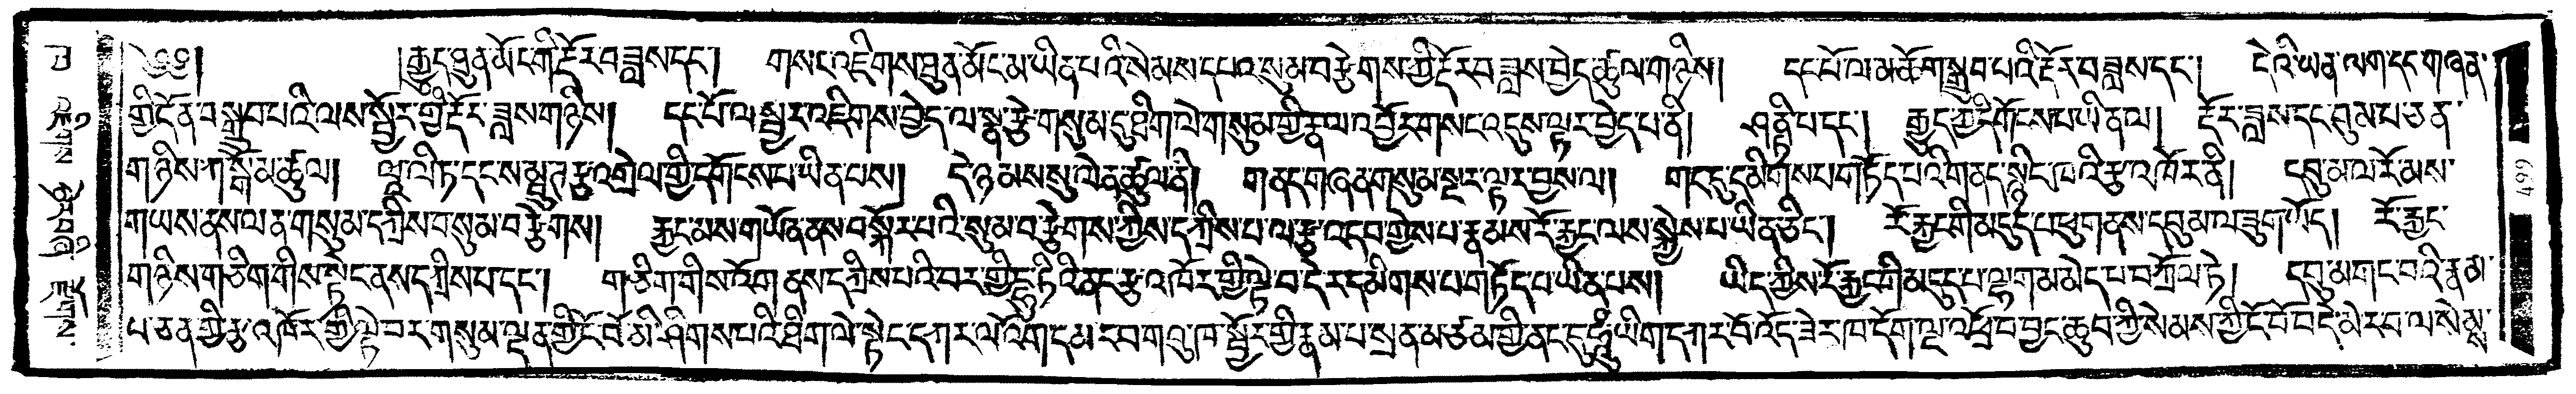༄༅། །རྒྱུད་ཐུན་མོང་གི་རྡོར་བཟླས་དང་། གསང་འཇིགས་ཐུན་མོང་མ་ཡིན་པའི་སེམས་དཔའ་སུམ་བརྩེགས་ཀྱི་རྡོར་བཟླས་བྱེད་ཚུལ་གཉིས། དང་པོ་ལ་མཆོག་སྒྲུབ་པའི་རྡོར་བཟླས་དང་། དེའི་ཡན་ལག་དང་གཞན་
གྱི་དོན་བསྒྲུབ་པའི་ལས་སྦྱོར་གྱི་རྡོར་ཟླས་གཉིས། དང་པོ་ལ་སྦྱར་འཇིགས་བྱེད་ལ་སྣ་རྩེ་གསུམ་དུ་ཐིག་ལེ་གསུམ་གྱི་རྣལ་འབྱོར་གསང་འདུས་ལྟར་བྱེད་པ་ནི། ཤནྟི་པ་དང་། རྒྱུད་ཀྱི་དགོངས་པ་ཡིན་ལ། རྡོར་ཟླས་དང་བུམ་པ་ཅན་
གཉིས་ཀ་སྒོམ་ཚུལ། ལཱ་ལི་ཏ་དང་སམྦུ་ཊ་རྩ་འགྲེལ་གྱི་དགོངས་པ་ཡིན་པས། དེ་ཉམས་སུ་ལེན་ཚུལ་ནི། གནད་གཞན་གསུམ་སྔར་ལྟར་བྱས་ལ། གང་དུ་དམིགས་པ་གཏོད་པའི་གནད་སྙིང་ཁའི་རྩ་འཁོར་ནི། དབུ་མ་ལ་རོ་མས་
གཡས་ནས་ལན་གསུམ་དཀྲིས་པ་སུམ་བརྩེགས། རྐྱང་མས་གཡོན་ནས་བསྐོར་བའི་སུམ་བརྩེགས་ཀྱིས་དཀྲིས་པ་ལ་རྩ་འདབ་གྱེས་པ་རྣམས་རོ་རྐྱང་ལས་སྐྱེས་པ་ཡིན་ཅིང་། རོ་རྐྱང་གི་མདུད་པ་ཕུག་ནས་དབུ་མ་ལ་ཟུག་ཡོད། རོ་རྐྱང་
གཉིས་གཅིག་གིས་སྟེང་ནས་དཀྲིས་པ་དང་། གཅིག་གིས་འོག་ནས་དཀྲིས་པའི་བར་གྱི་དྷུ་ཏིའི་ནང་རྩ་འཁོར་གྱི་ལྟེ་བ་དེར་དམིགས་པ་གཏོད་པ་ཡིན་པས། ཡིད་ཀྱིས་རོ་རྐྱང་གི་མདུད་པ་ལྷག་མ་མེད་པ་བཀྲོལ་ཏེ། དབུ་མ་གང་བའི་རྣམ་
པ་ཅན་གྱི་རྩ་འཁོར་གྱི་ལྟེ་བར་གསུམ་ལྡན་གྱི་ངོ་བོ་མི་ཤིགས་པའི་ཐིག་ལེ་སྟེང་དཀར་ལ་འོག་དམར་བ་གའུ་ཁ་སྦྱོར་གྱི་རྣམ་པ་སྲན་མ་ཙམ་གྱི་ནང་དུ་ཧཱུཾ་ཡིག་དཀར་པོ་འོད་ཟེར་ཁ་དོག་ལྔ་འཕྲོ་བ་བྱང་ཆུབ་ཀྱི་སེམས་ཀྱི་ངོ་བོ་བདེ་མེར་བ་ལ་སེམས་